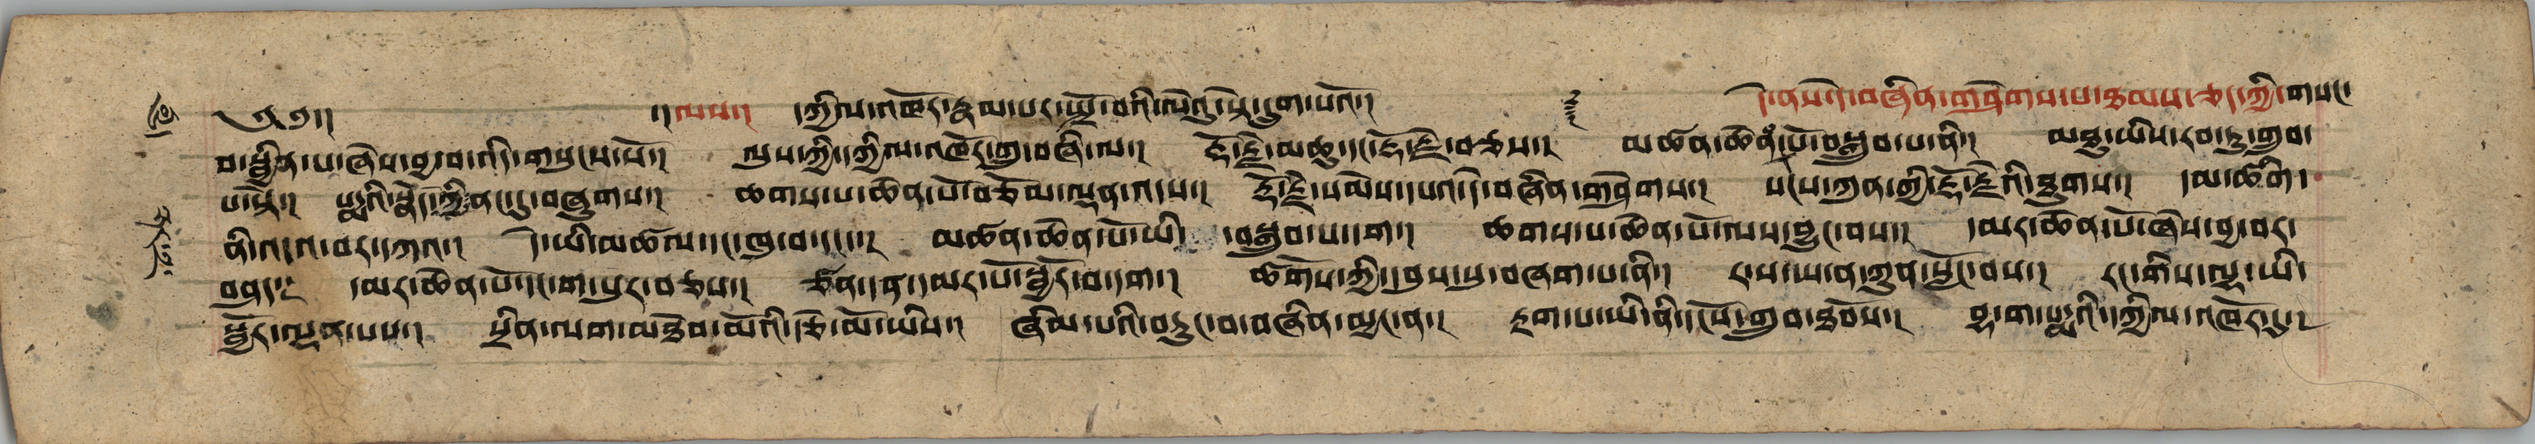༄༅་། ་།ལས་། དཀྱིལ་འཁོར་རྣམ་པར་སྤྲོ་བའི་ལེའུ་སྟེ་དྲུག་པའོ་། ༈ དེ་ནས་དེ་བཞིན་གཤེགས་པ་ཐམས་ཅད་ཀྱི་གསང་
བ་སྦྱིན་པ་ཞེས་བྱ་བ་འདི་གསུངས་སོ་། ལུས་ཀྱི་དཀྱིལ་འཁོར་གྲུ་བཞི་ལ་། རྡོ་རྗེ་མཆུ་དང་རྡོ་རྗེ་བཅས་། མཚན་ཆེན་པོ་བསྒྲུབ་པ་ནི་། མཐུ་ཡིས་རབ་ཏུ་གྲུབ་
པ་སྟེ་། པདྨའི་སྣོད་ཀྱི་ནང་དུ་བཞུགས་། ཆགས་པ་ཆེན་པོ་བཅོམ་ལྡན་འདས་། རྡོ་རྗེ་སེམས་དཔའ་དེ་བཞིན་གཤེགས་། སངས་ཀུན་གྱི་རྡོ་རྗེའི་ཐུགས་། དམ་ཚིག་
ནི་འདའ་བར་དཀའ་། དེ་ཡི་མཚལ་དང་ཁུ་བ་དང་་། མཚན་ཆེན་པོ་ཡི་ ་བསྒྲུབ་པ་དག་། ཆགས་པ་ཆེན་པོ་ལས་བྱུང་བས་། དམར་ཆེན་པོ་ཞེས་བྱ་བར་
བཤད༑ དམར་ཆེན་པོ་དང་ག་པུར་བཅས་། ཙན་དན་དམར་པོ་སྦྱོར་བ་དག་། ཚོགས་ཀྱི་དབུས་སུ་བཞག་པ་ནི་། ར་ས་ཡ་ན་ཀུན་སློང་བས་། རང་གིས་ལྷ་ཡི་
སྦྱོར་ལྡན་པས་། སྲིན་ལག་མཐེབ་མོའི་རྩེ་མོ་ཡིས་། ཞིམ་པའི་བཏུང་བ་བཞིན་མྱང་ན་། རྟག་པ་ཡི་ནི་དངོས་གྲུབ་ཐོབས་། བྷ་ག་པདྨའི་དཀྱིལ་འཁོར་དུ་།